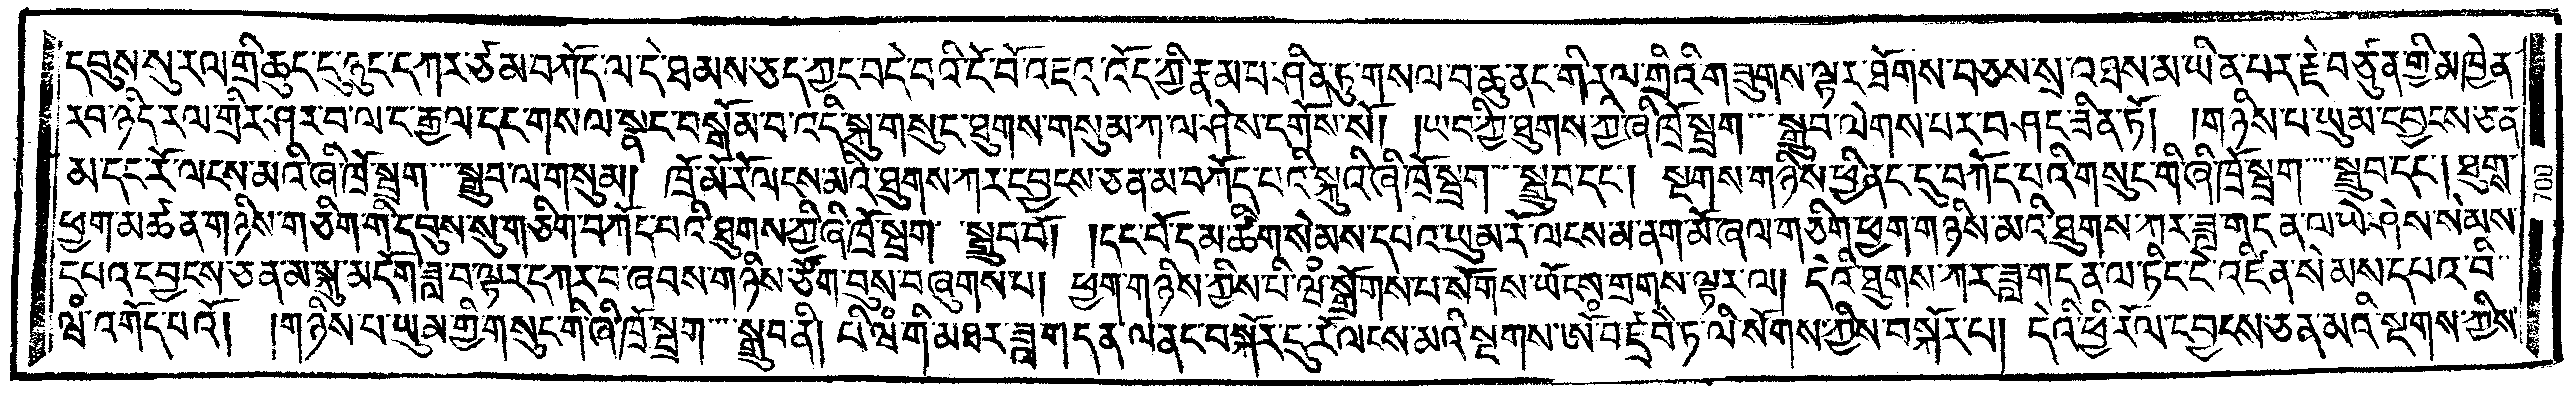དབུས་སུ་རལ་གྲི་ཆུང་ངུ་ཉུང་དཀར་ཙམ་བཀོད་ལ་དེ་ཐམས་ཅད་ཀྱང་བདེ་བའི་ངོ་བོ་འཇའ་འོད་ཀྱི་རྣམ་པ་ཤིན་ཏུ་གསལ་བ་ཆུ་ནང་གི་རལ་གྲིའི་གཟུགས་ལྟར་ཐོགས་བཅས་སྲ་འཐས་མ་ཡིན་པར་རྗེ་བཙུན་གྱི་མཁྱེན་
རབ་ཉིད་རལ་གྲིར་ཤར་བ་ལ་ང་རྒྱལ་དང་གསལ་སྣང་བསྒོམ་བ་འདི་སྐུ་གསུང་ཐུགས་གསུམ་ཀ་ལ་ཤེས་དགོས་སོ། །ཡབ་ཀྱི་ཐུགས་ཀྱི་ཞི་ཁྲོ་སྦྲག་སྒྲུབ་ལེགས་པར་བཤད་ཟིན་ཏོ། །གཉིས་པ་ཡུམ་དབྱངས་ཅན་
མ་དང་རོ་ལངས་མའི་ཞི་ཁྲོ་སྦྲག་སྒྲུབ་ལ་གསུམ། ཁྲོ་མོ་རོ་ལངས་མའི་ཐུགས་ཀར་དབྱངས་ཅན་མ་བཀོད་པའི་སྐུའི་ཞི་ཁྲོ་སྦྲག་སྒྲུབ་དང་། སྔགས་གཉིས་ཕྱི་ནང་དུ་བཀོད་པའི་གསུང་གི་ཞི་ཁྲོ་སྦྲག་སྒྲུབ་དང་། ཐུགས་
ཕྱག་མཚན་གཉིས་གཅིག་གི་དབུས་སུ་གཅིག་བཀོད་བའི་ཐུགས་ཀྱི་ཞི་ཁྲོ་སྦྲག་སྒྲུབ་བོ། །དང་པོ་དམ་ཚིག་སེམས་དཔའ་ཡུམ་རོ་ལངས་མ་ནག་མོ་ཞལ་གཅིག་ཕྱག་གཉིས་མའི་ཐུགས་ཀར་ཟླ་གདན་ལ་ཡེ་ཤེས་སེམས་
དཔའ་དབྱངས་ཅན་མ་སྐུ་མདོག་ཟླ་བ་ལྟར་དཀར་བ་ཞབས་གཉིས་ཙོག་པུས་བཞུགས་པ། ཕྱག་གཉིས་ཀྱིས་པི་ཝཾ་སྒྲོགས་པ་སོགས་ཡོངས་གྲགས་ལྟར་ལ། དེའི་ཐུགས་ཀར་ཟླ་གདན་ལ་ཏིང་ངེ་འཛིན་སེམས་དཔའ་པི་
ཝཾ་འགོད་པའོ། །གཉིས་པ་ཡུམ་གྱི་གསུང་གི་ཞི་ཁྲོ་སྦྲག་སྒྲུབ་ནི། པི་ཝཾ་གི་མཐར་ཟླ་གདན་ལ་ནང་བསྐོར་དུ་རོ་ལངས་མའི་སྔགས་ཨོཾ་བཛྲ་བཻ་ཏ་ལི་སོགས་ཀྱིས་བསྐོར་པ། དེའི་ཕྱི་རོལ་དབྱངས་ཅན་མའི་སྔགས་ཀྱིས་